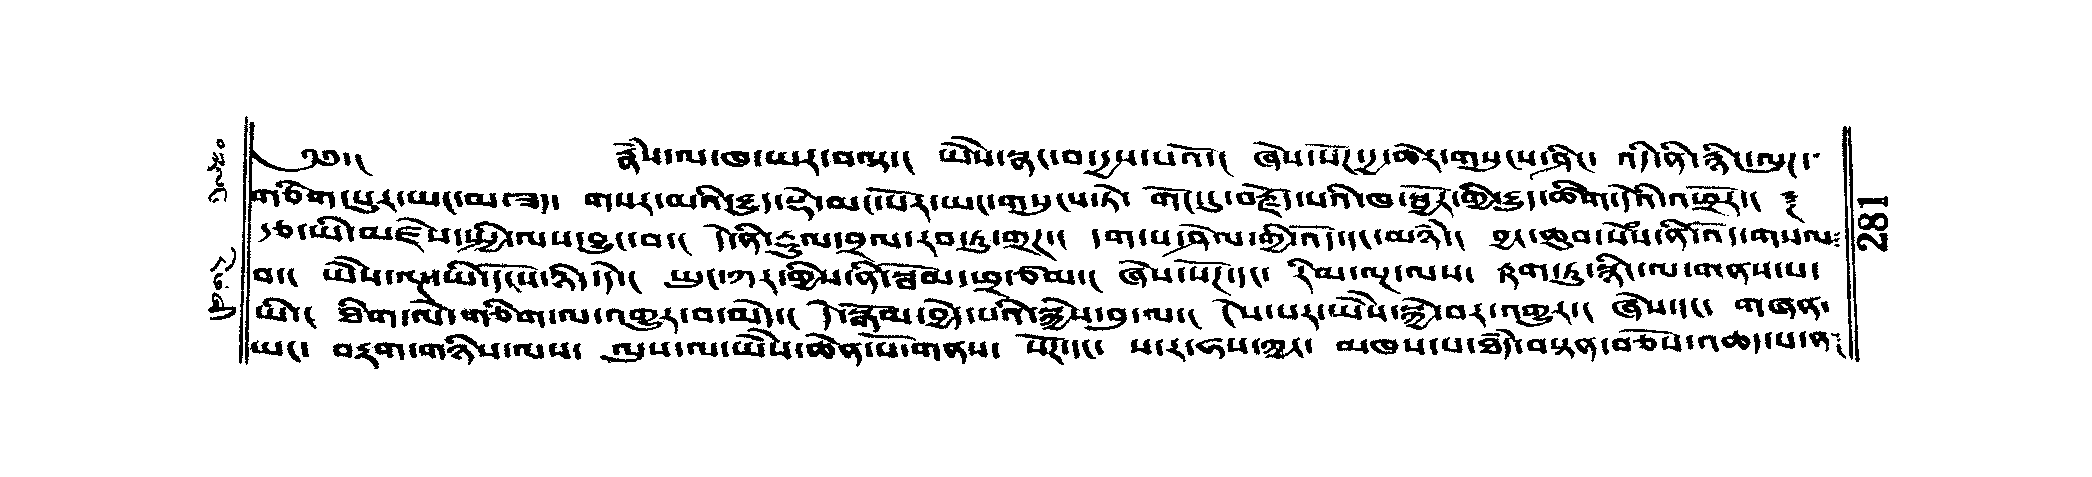རྣམས་ལ་ཁ་ཡར་བལྟ། །ཡེ་ཤེས་སྣང་བ་རྒྱས་པའོ།ཞེས་སོགས་རྒྱ་ཆེར་གསུངས་ཤིང་། འདི་ནི་རྙིང་ལུགས་
གཅིག་པུར་ཡང་མ་ཟད། གསར་མའི་རྒྱུད་སྡེ་མང་པོར་ཡང་གསུངས་ཏེ། གོང་དུ་བརྗོད་པའི་ཁ་སྦྱོར་གྱི་རྒྱུད་ཚིག་དེའི་འཕྲོར། ༈ 
རྩ་ཡི་མཛེས་སྤྱི་ལས་བྱུང་བ། །དེ་ནི་རྡུལ་བྲལ་རབ་ཏུ་གྲགས། །དག་པ་ཤེལ་གྱི་འོད་དང་མཉམ། །བྱང་ཆུབ་སེམས་ནི་འོད་གསལ་
བ། །ཡེ་ཤེས་ལྔ་ཡི་དངོས་ཉིད་དེ། །ཡུང་ཀར་གྱིས་ནི་སྦོམ་ཕྲ་ཙམ། ཞེས་སོགས་དང་། རིམ་ལྔ་ལས། རྟག་ཏུ་སྙིང་ལ་གནས་པ་
ཡི། །ཐིག་ལེ་གཅིག་ལ་འགྱུར་བ་མེད། །དེ་སྒོམ་བྱེད་པའི་སྐྱེས་བུ་ལ། །ངེས་པར་ཡེ་ཤེས་སྐྱེ་བར་འགྱུར། ཞེས་དང་། གཞན་
ཡང་། བརྟག་གཉིས་ལས། ལུས་ལ་ཡེ་ཤེས་ཆེན་པོ་གནས། སོགས་དང་། ས་ར་ཧས་ཀྱང་། མཁས་པ་ཐམས་ཅད་བསྟན་བཅོས་འཆད་པ་ན།